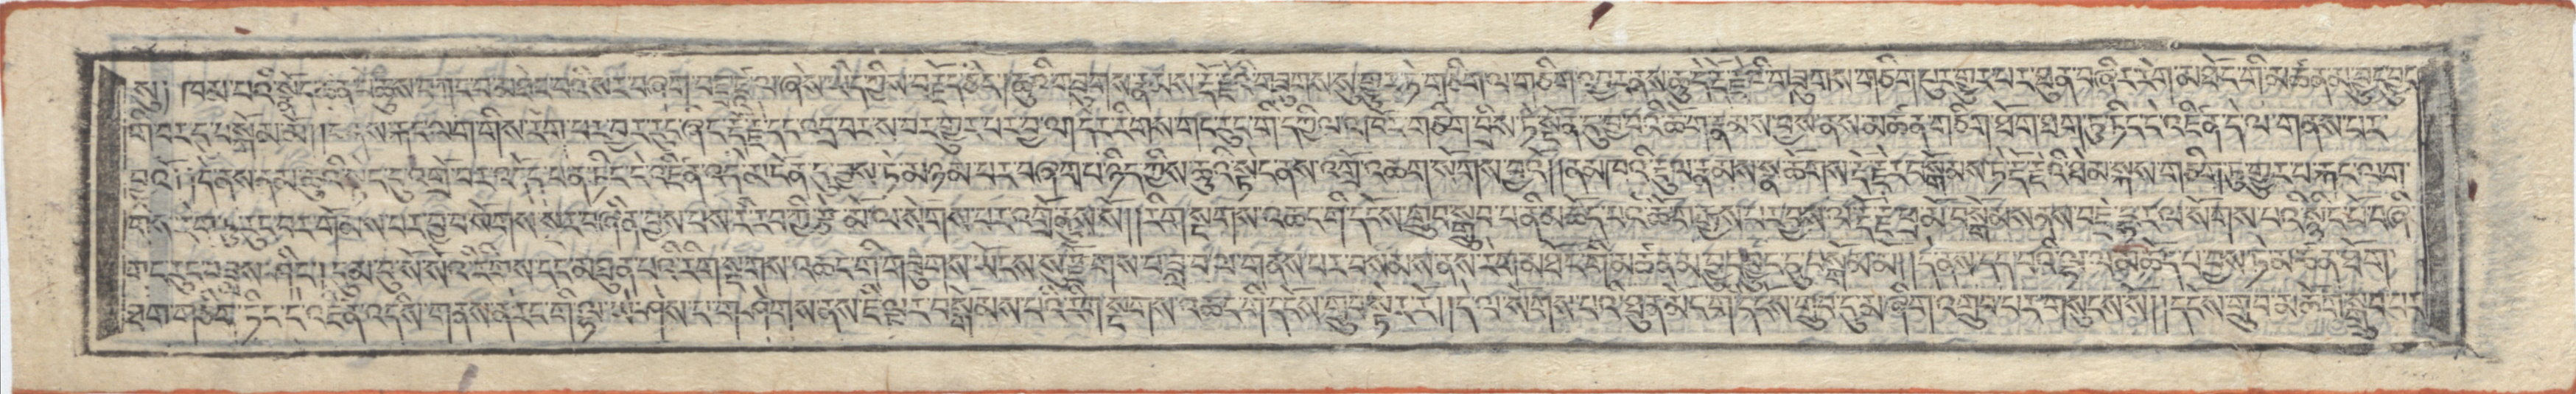སུ༑ ཁམ་པའི་སྣོད་ཆེན་པོ་ཆུས་བཀང་བ་མཐོང་བའི་སར་བཞག་བཛྲ་ཛཱ་ལ་ཞེས་ཡིད་ཀྱིས་བརྗོད་ཅིང་། ཆུའི་གཟུགས་རྣམས་རྡོ་རྗེའི་གཟུགས་སུ་གྱུར་ཏེ་གཅིག་ལ་གཅིག་འབྱར་ནས་ཆུ་དེ་རྡོ་རྗེའི་གཟུགས་གཅིག་པུར་གྱུར་པར་ཐུན་བཞིར་རེག་མཐོང་གི་མཚན་མ་བྱུང་བྱུང་
གི་བར་དུ་བསྒོམ་མོ། །དེ་ནས་རྐང་ལག་གིས་རེག་པར་བྱར་རུང་ཞིང་རྡོ་རྗེ་དང་འདྲ་བར་ས་བར་གྱུར་པར་བྱ་ལ། དེར་རིགས་གང་རུང་གི་དཀྱིལ་འཁོར་གཅིག་བྲིས་ཏེ་སྔོན་དུ་བྱ་བའི་ཆོ་ག་རྣམས་བྱས་ནས་མཚན་གཅིག་ཐོག་ཐག་ཏུ་ཏིང་ངེ་འཛིན་དེ་ལ་གནས་པར་
བྱའོ༑ ༑དེ་ནས་ནམ་ཆུའི་སྟེང་དུ་འགྲོ་བར་འདོད་པ་ན་ཏིང་ངེ་འཛིན་འདི་མངོན་དུ་བྱས་ཏེ་མཉམ་པར་བཞག་པ་ཉིད་ཀྱིས་ཆུའི་སྟེང་ནས་འགྲོ་འཆག་སོགས་བྱའོ། །ནམ་མཁའི་རྡུལ་རྣམས་སྣ་ཚོགས་རྡོ་རྗེར་བསྒོམས་ཏེ་རྡོ་རྗེའི་ཐེམ་སྐས་གཅིག་ཏུ་གྱུར་པ་རྐང་ལག་
གིས་རེག་ཏུ་རུང་བར་གོམས་པར་བྱ་བ་སོགས་སྔར་བཞིན་བྱས་པས་རི་རབ་ཀྱི་རྩེ་མོ་ལ་སོགས་པར་འགྲོ་ནུས་སོ། །རིག་སྔགས་འཆང་གི་དངོས་གྲུབ་སྒྲུབ་པ་ནི་མཆོད་པའི་ཆོ་ག་རྒྱས་པར་བྱས་ལ་རྡོ་རྗེ་ཕྲ་མོ་བསྒོམས་ནས་བཛྲ་དྷ་ར་ལ་སོགས་པའི་སྙིང་པོ་བཞི་
གང་རུང་བཟླས་ཤིང་། དུམ་བུ་སོ་སོའི་རིགས་དང་མཐུན་པའི་རིགས་སྔགས་འཆང་གི་གཟུགས་ཡོངས་སུ་རྫོགས་པ་ཟླ་བ་ལ་གནས་པར་བསམས་ནས་རེག་མཐོང་གི་མཚན་མ་བྱུང་བྱུང་དུ་བསྒོམ་མོ། །དེ་ནས་དད་པའི་ལྷ་ལ་མཆོད་པ་བྱས་ཏེ་མཚན་ཐོག་
ཐག་གཅིག་ཏིང་ངེ་འཛིན་འདིས་གནས་ན་རང་གི་ལྷ་ཡེ་ཤེས་པ་གཤེགས་ནས་ཇི་ལྟར་བསྒོམས་པའི་རིག་སྔགས་འཆང་གི་དངོས་གྲུབ་སྟེར་རོ། །དེ་ལ་སོགས་པའི་ཐུན་མོང་གི་དངོས་གྲུབ་དུ་མ་ཞིག་འགྲུབ་པར་གསུངས་སོ། །དངོས་གྲུབ་མཆོག་སྒྲུབ་པར་